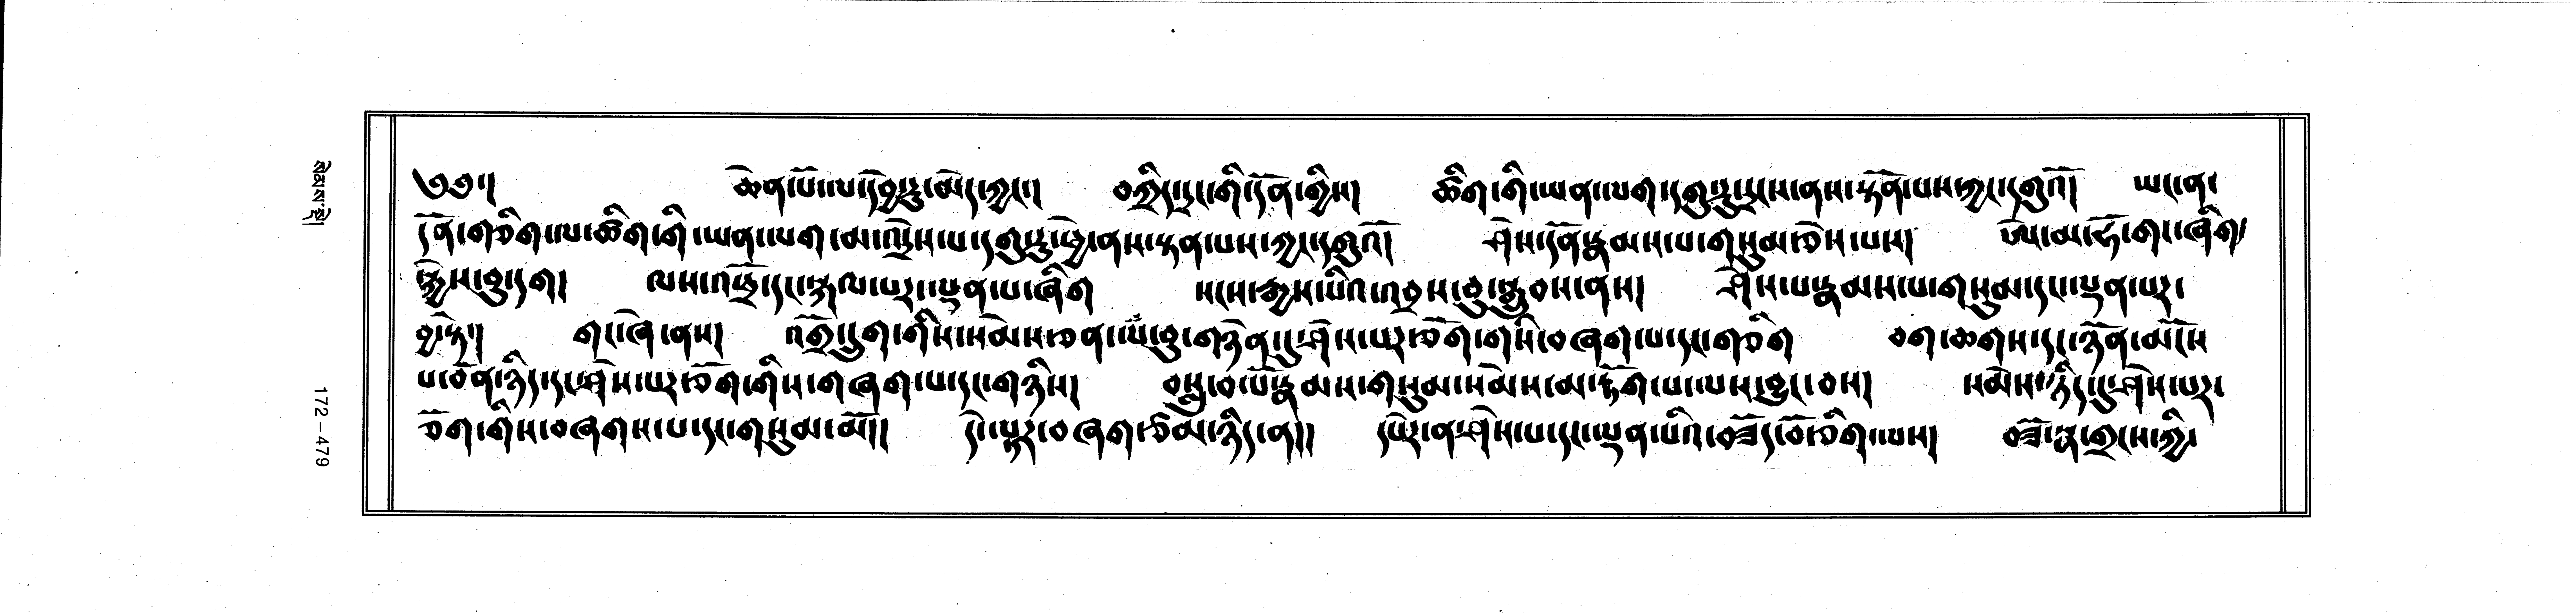ཆེན་པོ་ལ་དབྱེ་རུ་མེད་ཀྱང་། བཀྲིད་དྲང་གི་དོན་གྱིས། ཚིག་གི་ཡན་ལག་དགུ་རུ་དྲངས་ནས་སྟོན་པས་ཀྱང་དགུའོ། ཡང་ན་
དོན་གཅིག་ལ་ཚིག་གི་ཡན་ལག་མ་འདྲེས་པ་དགུ་རུ་ཕྱེ་ནས་སྟན་པས་ཀྱང་དགུའོ། ཤེས་དོན་རྣམ་པ་གསུམ་ཅེས་པས། ཨེ་མ་ཧོ་གང་ཞིག་
སྐྱེས་བུ་དག ལས་འཕྲོ་དང་སྐལ་པར་ལྡན་པ་ཞིག སངས་རྒྱས་པའི་འབྲས་བུ་སྒྲུབས་ནས། ཤེས་པ་རྣམ་པ་གསུམ་དང་ལྡན་པར་
བྱ་སྟེ། གང་ཞེ་ནས། འགྲོ་དྲུག་གིས་སེམས་ཅན་བུ་གཉེན་དུ་ཤེས་པར་ཅོག་གིས་བཞག་པ་དང་གཅིག བག་ཆགས་དང་ཉོན་མོངས་
པ་བོན་ཉིད་དང་ཤེས་པར་ཅོག་གིས་གཞག་པ་དང་གཉིས། བསླུ་བ་པོ་རྣམ་གསུམ་སེམས་མ་རྟོགས་པ་ལས་བྱུང་བས། སེམས་ཉིད་དུ་
ཤེས་པར་ཅོག་གིས་བཞགས་པ་དང་གསུམ་མོ། དེ་ལྟར་བཞག་ཙམ་ཉིད་ན། དཔེར་ན་ཤེས་པ་དང་ལྡན་པའི་བཟོད་བོ་ཅིག་ལས། བཟོ་སྣ་གྲངས་ཀྱི་